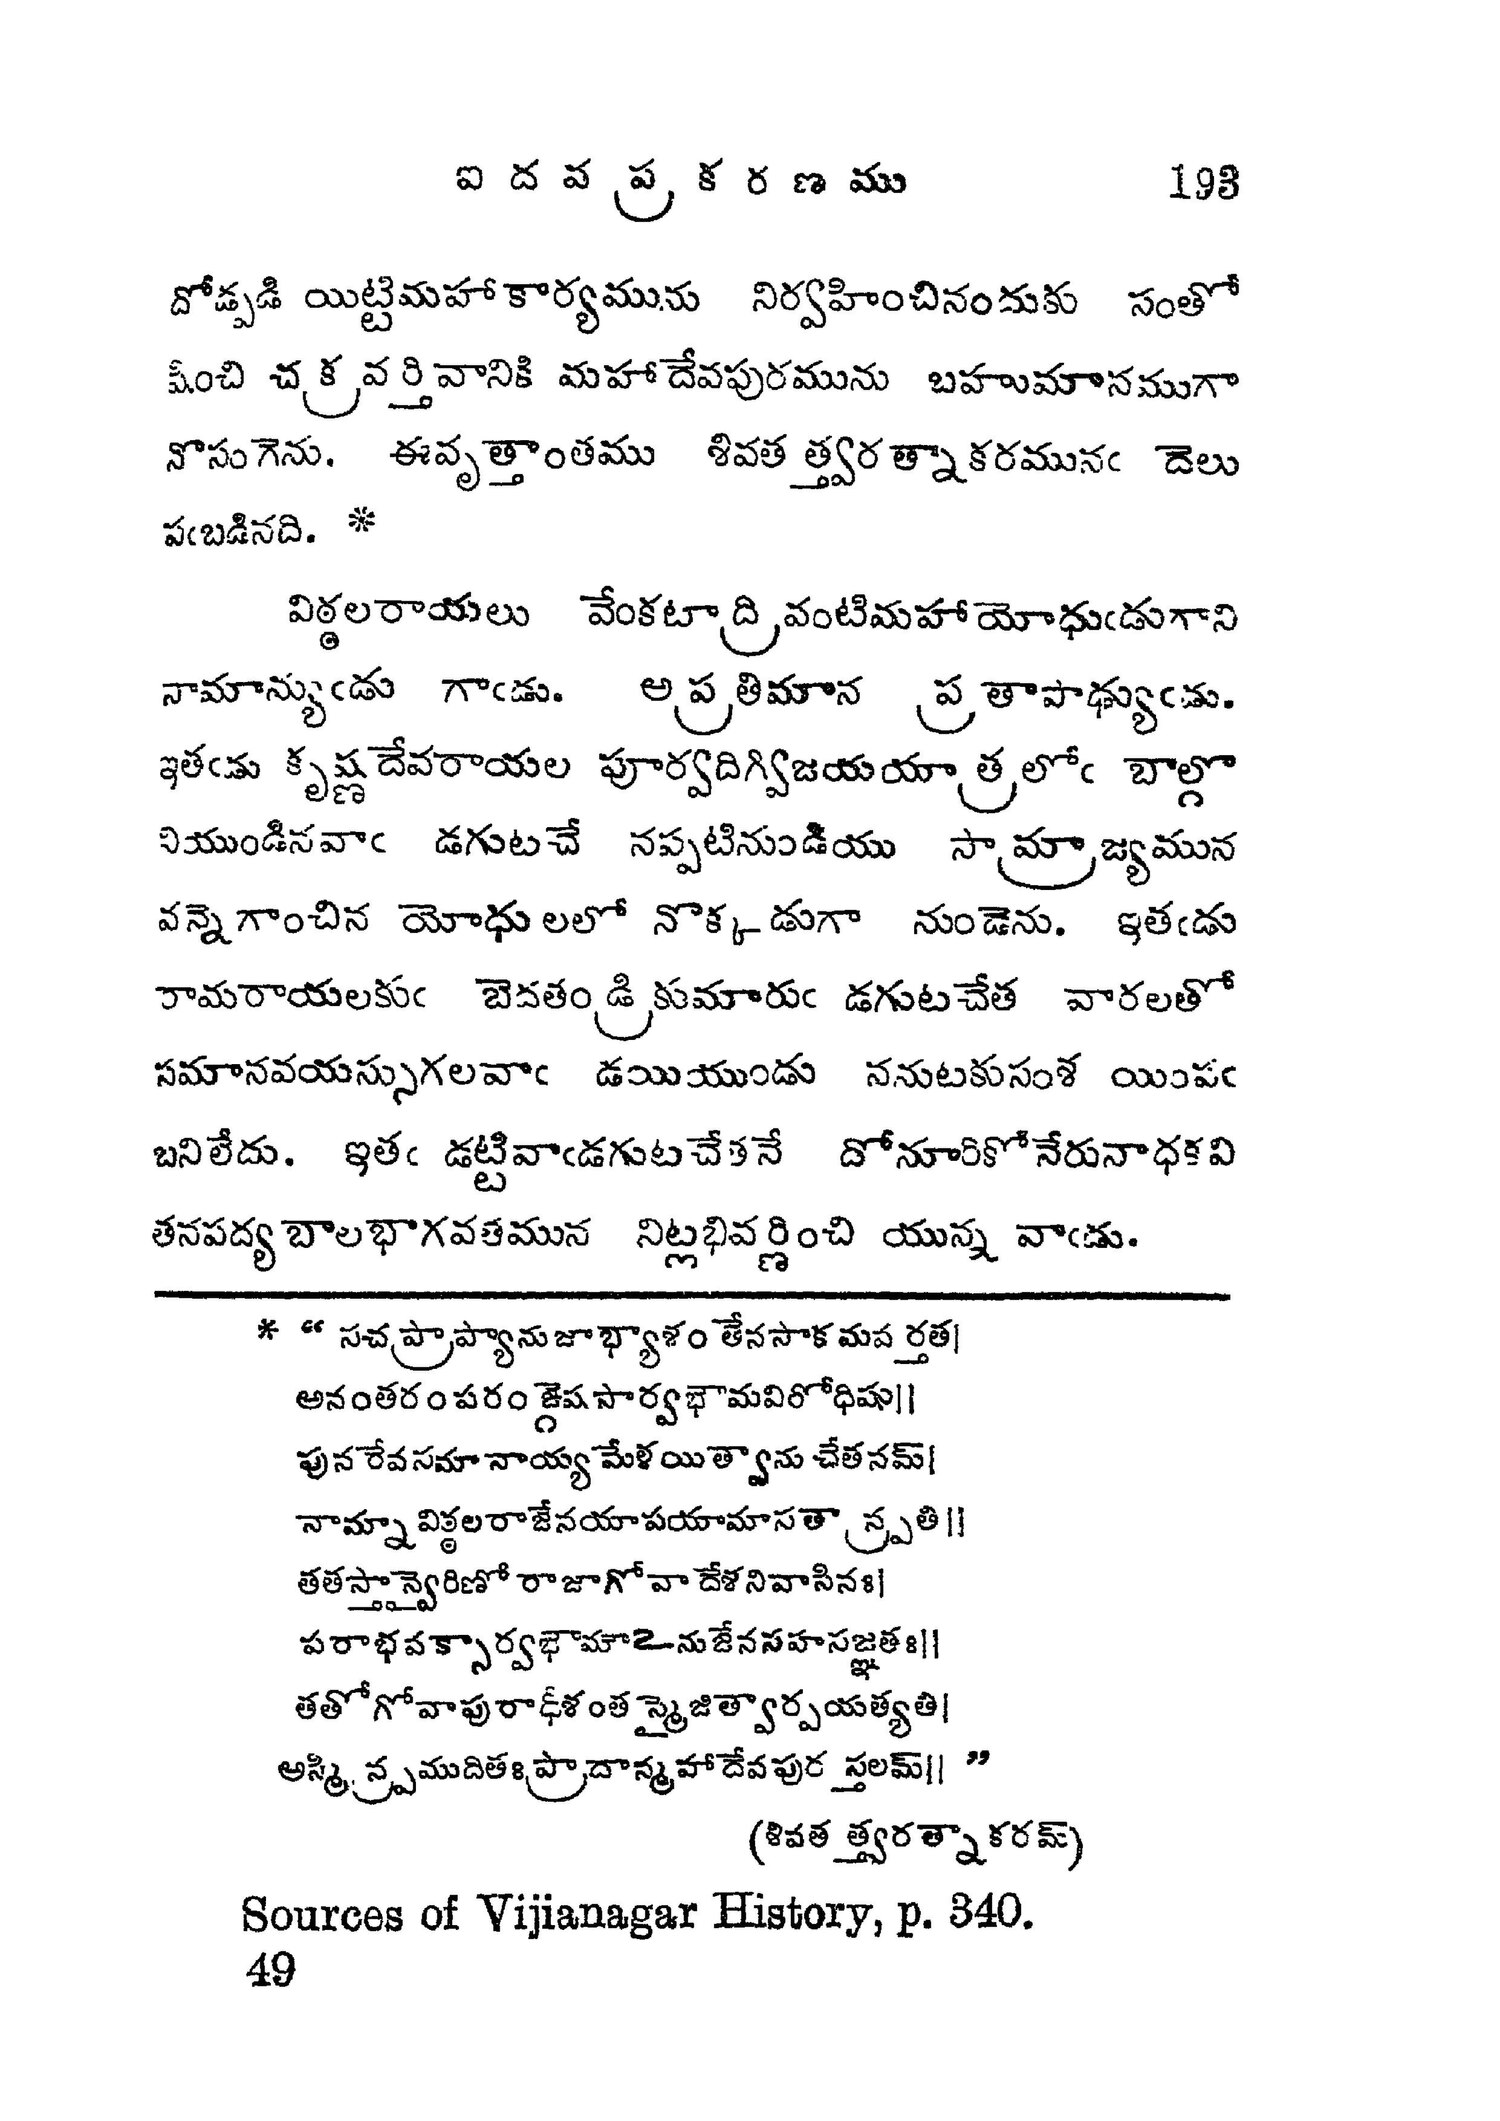దోడ్పడి యిట్టిమహాకార్యమును నిర్వహించినందుకు సంతోషించి చక్రవర్తివానికి మహాదేవపురమును బహుమానముగా నొసంగెను. ఈవృత్తాంతము శివతత్త్వరత్నాకరమున దెలుపబడినది. 

విఠ్ఠలరాయలు వేంకటాద్రివంటిమహాయోధుడుగాని సామాన్యుడు గాడు. అప్రతిమాన ప్రతాపాడ్యుడు. ఇతడు కృష్ణదేవరాయల పూర్వదిగ్విజయయాత్రలో బాల్గొనియుండినవా డగుటచే నప్పటినుండియు సామ్రాజ్యమున వన్నెగాంచిన యోధులలో నొక్కడుగా నుండెను. ఇతడు రామరాయలకు బెదతండ్రికుమారు డగుటచేత వారలతో సమానవయస్సుగలవా డయియుండు ననుటకుసంశ యింప బనిలేదు.ఇత డట్టివాడగుటచేతనే దోనూరికోనేరునాధకవి తనపద్య బాలభాగవతమున నిట్లభివర్ణించి యున్న వాడు.